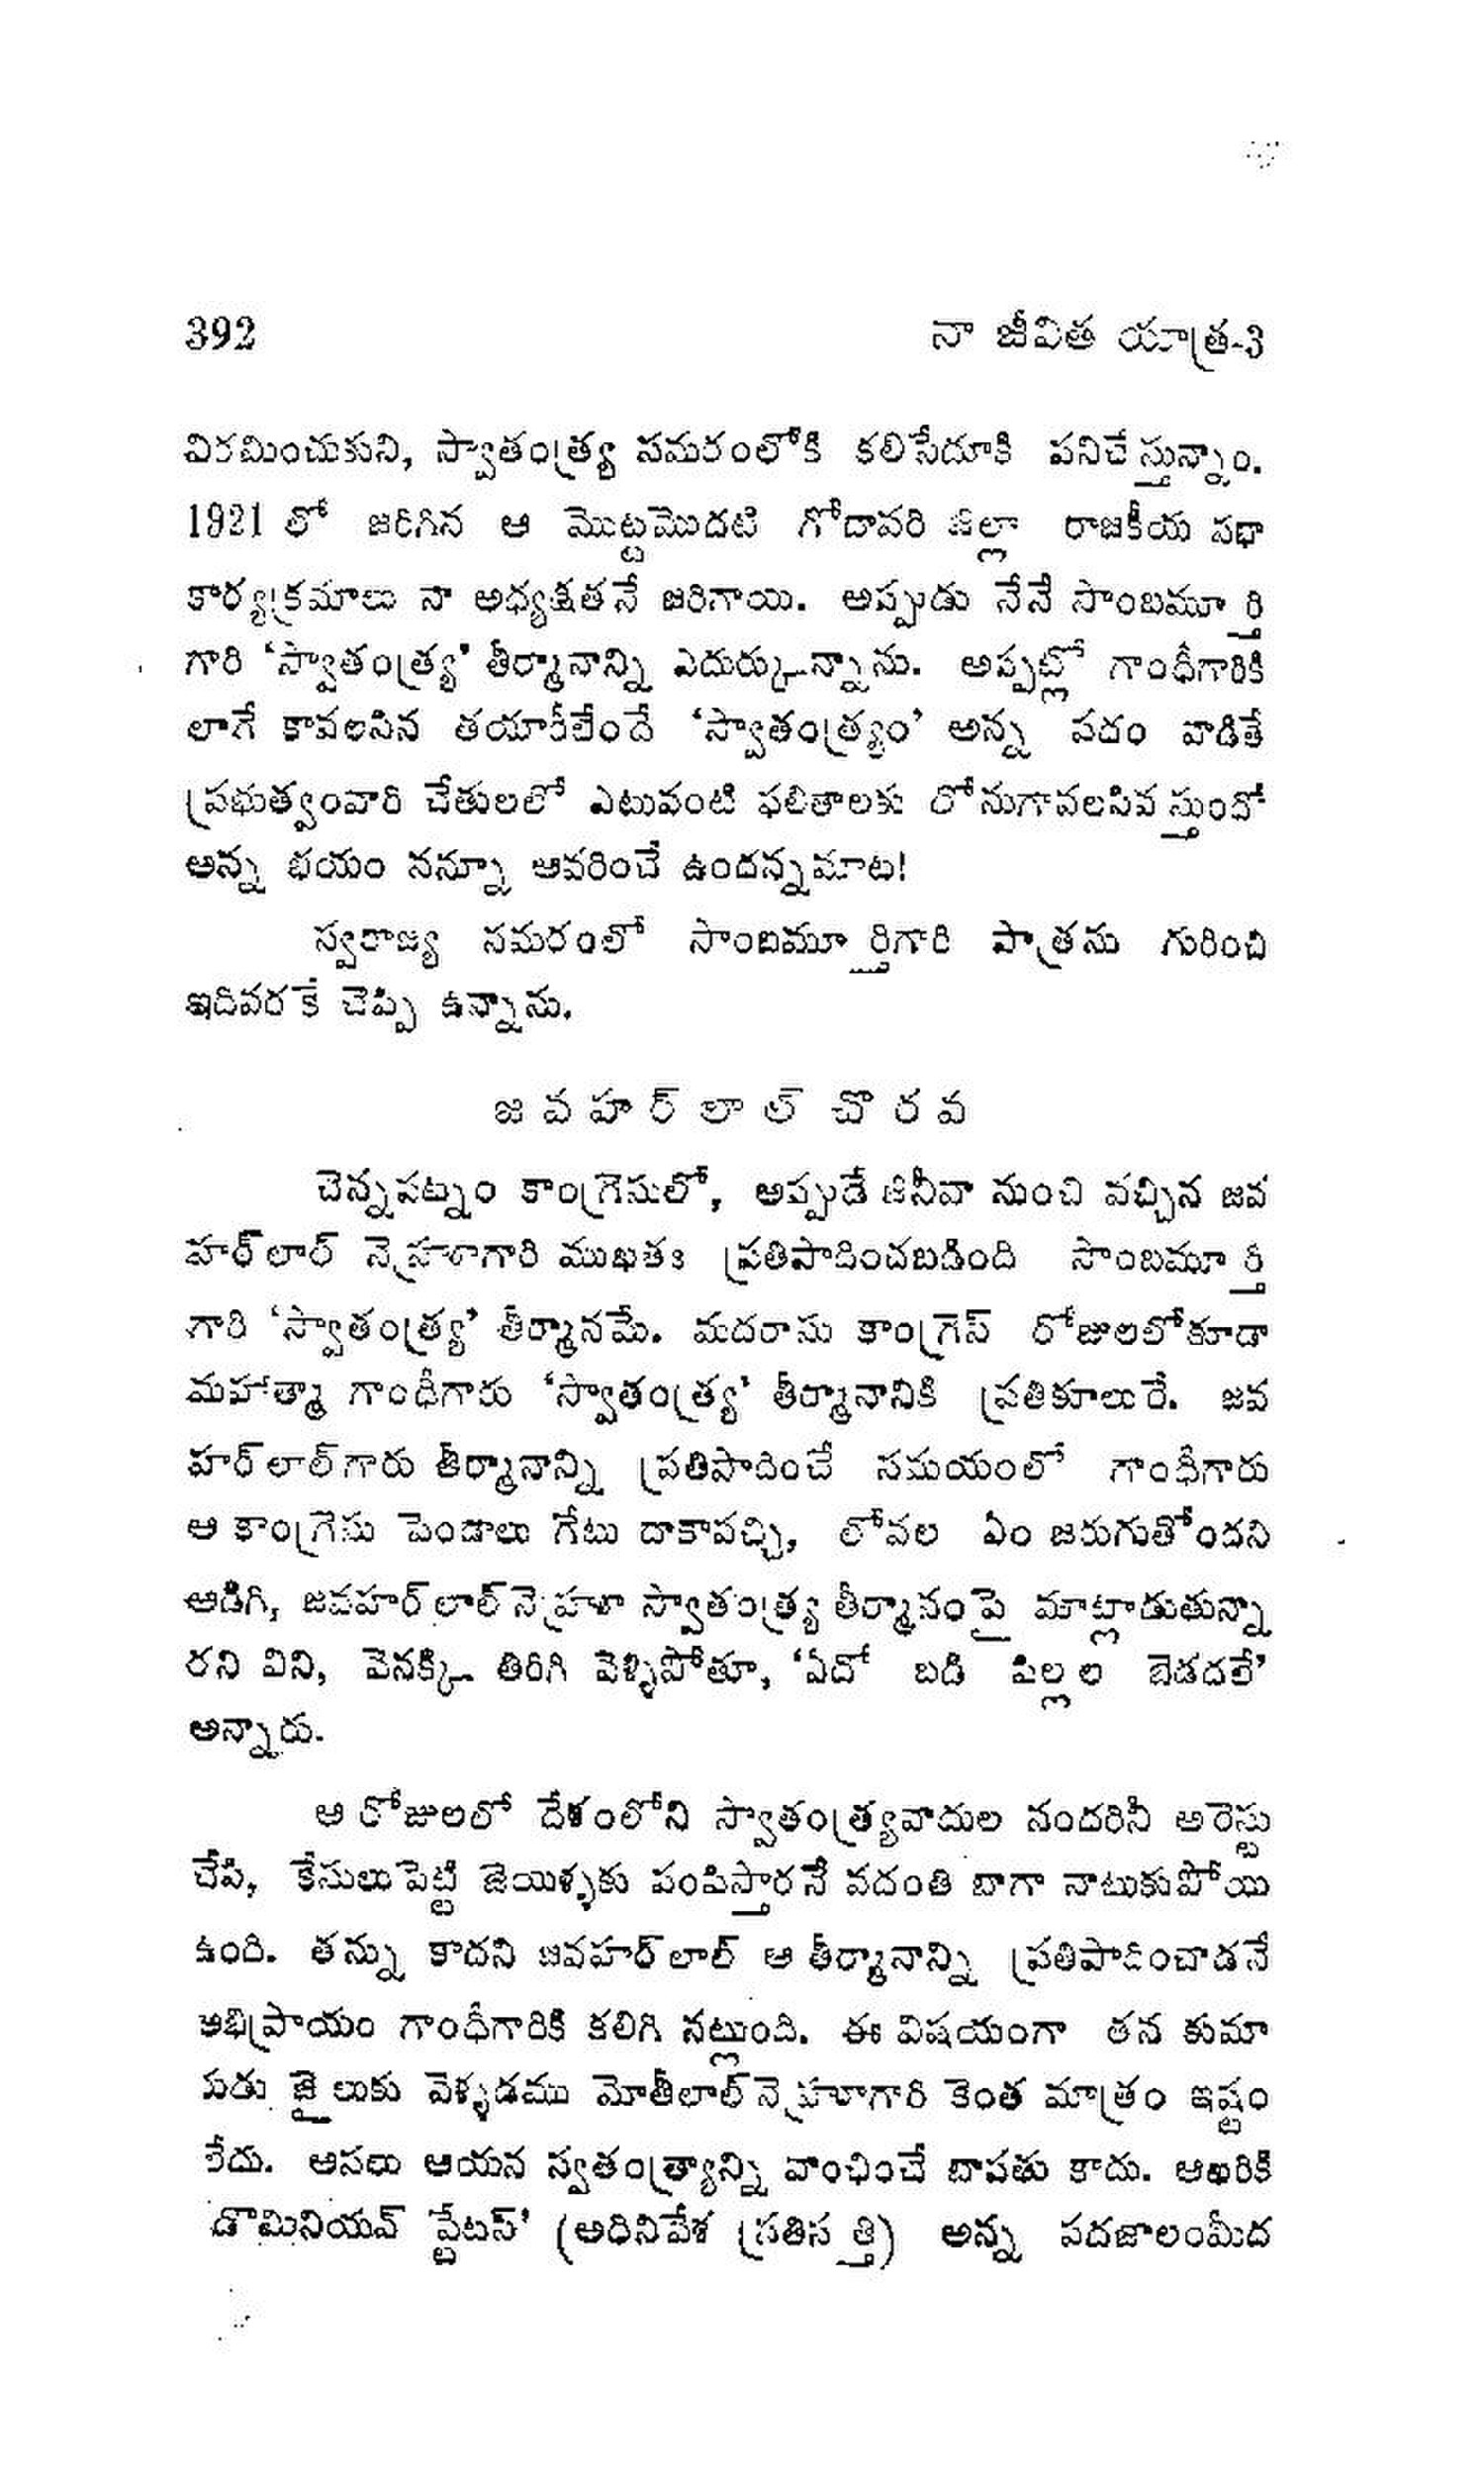విరమించుకుని, స్వాతంత్ర్య సమరంలోకి కలిసేదూకి పనిచేస్తున్నాం. 1921 లో జరిగిన ఆ మొట్టమొదటి గోదావరి జల్లా రాజకీయ సభా కార్యక్రమాలు నా అధ్యక్షతనే జరిగాయి. అప్పుడు నేనే సాంబమూర్తిగారి 'స్వాతంత్ర్య' తీర్మానాన్ని ఎదుర్కున్నాను. అప్పట్లో గాంధీగారికిలాగే కావలసిన తయారీలేందే 'స్వాతంత్ర్యం' అన్న పదం వాడితే ప్రభుత్వంవారి చేతులలో ఎటువంటి ఫలితాలకు లోనుగావలసివస్తుందో అన్న భయం నన్నూ ఆవరించే ఉందన్నమాట!

స్వరాజ్య సమరంలో సాంబమూర్తిగారి పాత్రను గురించి ఇదివరకే చెప్పి ఉన్నాను.

చెన్నపట్నం కాంగ్రెసులో, అప్పుడే జినీవా నుంచి వచ్చిన జవహర్‌లాల్ నెహ్రూగారి ముఖత: ప్రతిపాదించబడింది సాంబమూర్తిగారి 'స్వాతంత్ర్య' తీర్మానమే. మదరాసు కాంగ్రెస్ రోజులలోకూడా మహాత్మా గాంధీగారు 'స్వాతంత్ర్య' తీర్మానానికి ప్రతికూలురే. జవహర్‌లాల్‌గారు తీర్మానాన్ని ప్రతిపాదించే సమయంలో గాంధీగారు ఆ కాంగ్రెసు పెండాలు గేటు దాకావచ్చి, లోపల ఏం జరుగుతోందని అడిగి, జవహర్‌లాల్ నెహ్రూ స్వాతంత్ర్య తీర్మానంపై మాట్లాడుతున్నారని విని, వెనక్కి తిరిగి వెళ్ళిపోతూ, 'ఏదో బడి పిల్లల బెడదలే' అన్నారు.

ఆ రోజులలో దేశంలోని స్వాతంత్ర్యవాదుల నందరినీ అరెస్టుచేసి, కేసులుపెట్టి జెయిళ్ళకు పంపిస్తారనే వదంతి బాగా నాటుకుపోయి ఉంది. తన్ను కాదని జవహర్‌లాల్ ఆ తీర్మానాన్ని ప్రతిపాదించాడనే అభిప్రాయం గాంధీగారికి కలిగి నట్లుంది. ఈ విషయంగా తన కుమారుడు జైలుకు వెళ్ళడము మోతీలాల్‌ నెహ్రూగారి కెంత మాత్రం ఇష్టం లేదు. అసలు ఆయన స్వతంత్ర్యాన్ని వాంఛించే బాపతు కాదు. ఆఖరికి డొమినియన్ వ్టేటస్ (అధినివేశ ప్రతిసత్తి) అన్న పదజాలంమీద